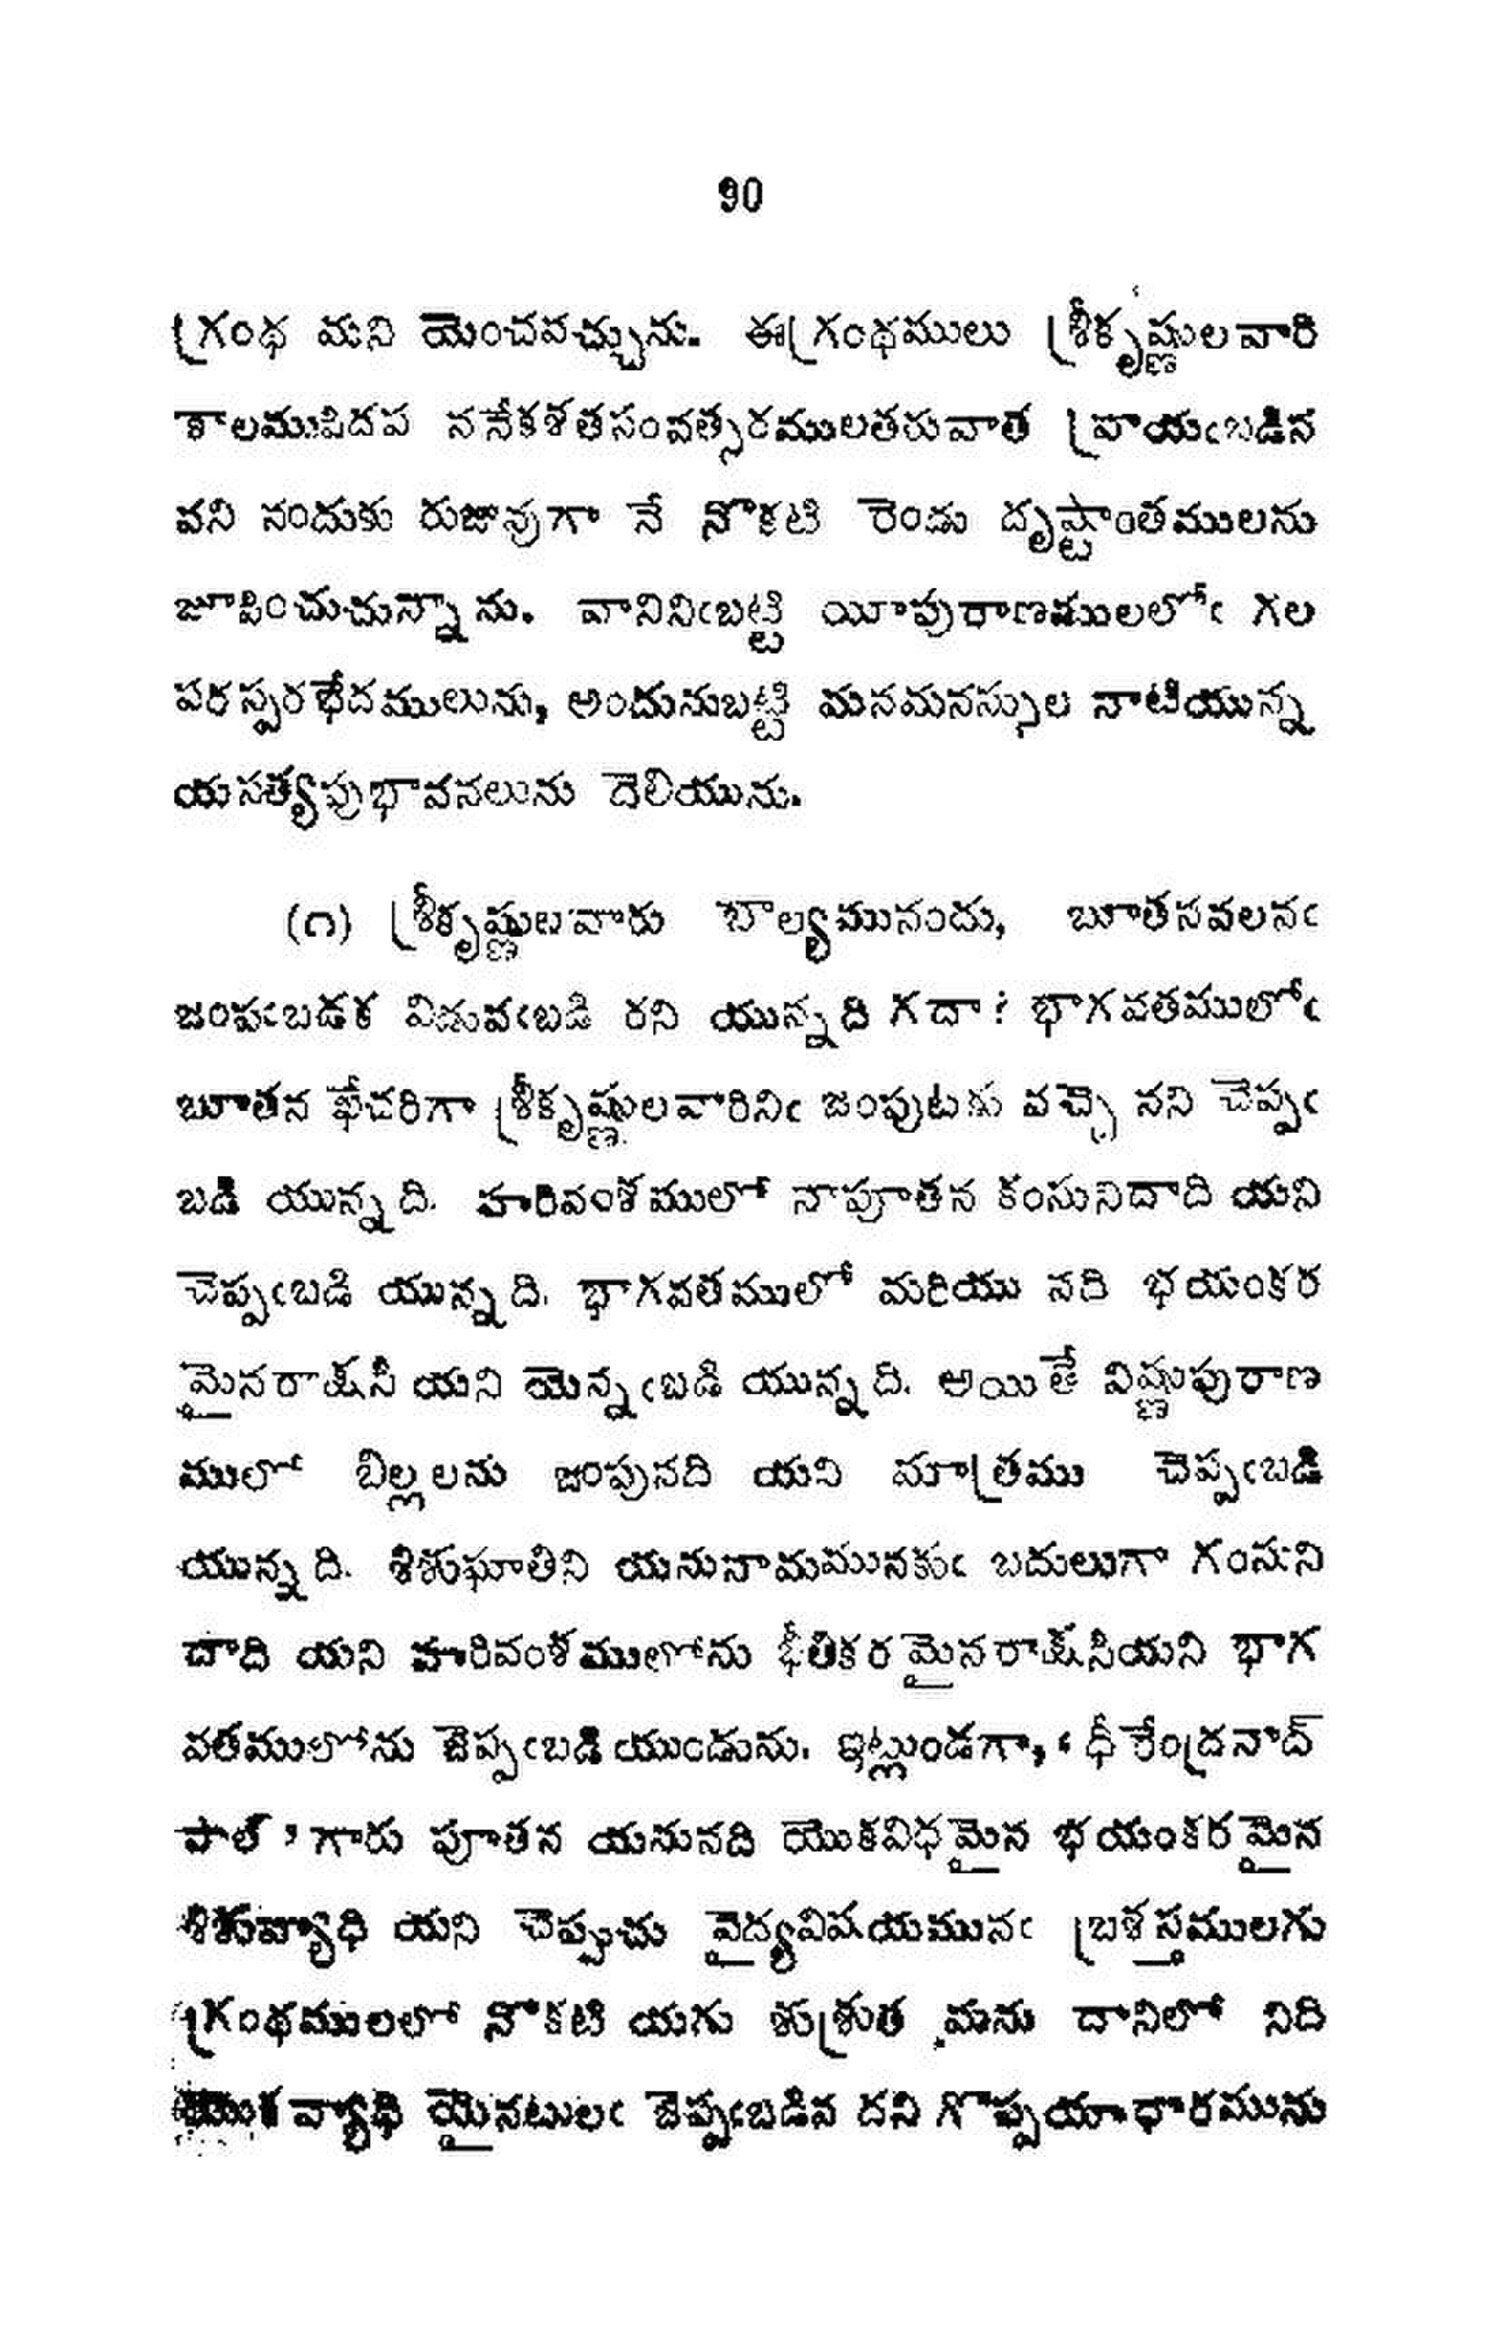గ్రంథ మని యెంచవచ్చును. ఈగ్రంథములు శ్రీకృష్ణులవారి కాలముపిదప ననేకశతసంవత్సరముల తరువాత వ్రాయఁబడినవని నందుకు రుజువుగా నే నొకటి రెండు దృష్టాంతములను జూపించు చున్నాను. వానినిఁబట్టి యీపురాణములలోఁ గల పరస్పరభేదములును, అందునుబట్టి మనమనస్సుల నాటియున్న యసత్యపుభావనలును దెలియును.

(1) శ్రీకృష్ణులవారు బాల్యమునందు, బూతనవలనఁ జంపఁబడక విడువఁబడి రని యున్నది గదా! భాగవతములోఁ బూతన ఖేచరిగా శ్రీకృష్ణులవారినిఁ జంపుటకు వచ్చి నని చెప్పఁబడి యున్నది. హరివంశములో నాపూతన కంసునిదాదీ యని చెప్పఁబడి యున్నది. భాగవతములో మరియు నది భయంకరమైనరాక్షసి యని యెన్నఁబడి యున్నది. అయితే విష్ణుపురాణములో బిల్లలను జంపునది యని మాత్రము చెప్పఁబడియున్నది. శిశుఘాతిని యనునామమునకుఁ బదులుగా గంసుని దాది యని హరివంశములోను భీతికరమైనరాక్షసియని భాగవతములోను జెప్పఁబడియుండును. ఇట్లుండగా, 'ధీరేంద్రనాద్ పాల్ ' గారు పూతన యనునది యొకవిధమైన భయంకరమైన శిశువ్యాధి యని చెప్పుచు వైద్యవిషయమునఁ బ్రశస్తములగు గ్రంథములలో నొకటి యగు శుశ్రుత మను దానిలో నిదియొక వ్యాధి యైనటులఁ జెప్పబడిన దని గొప్పయాధారమును